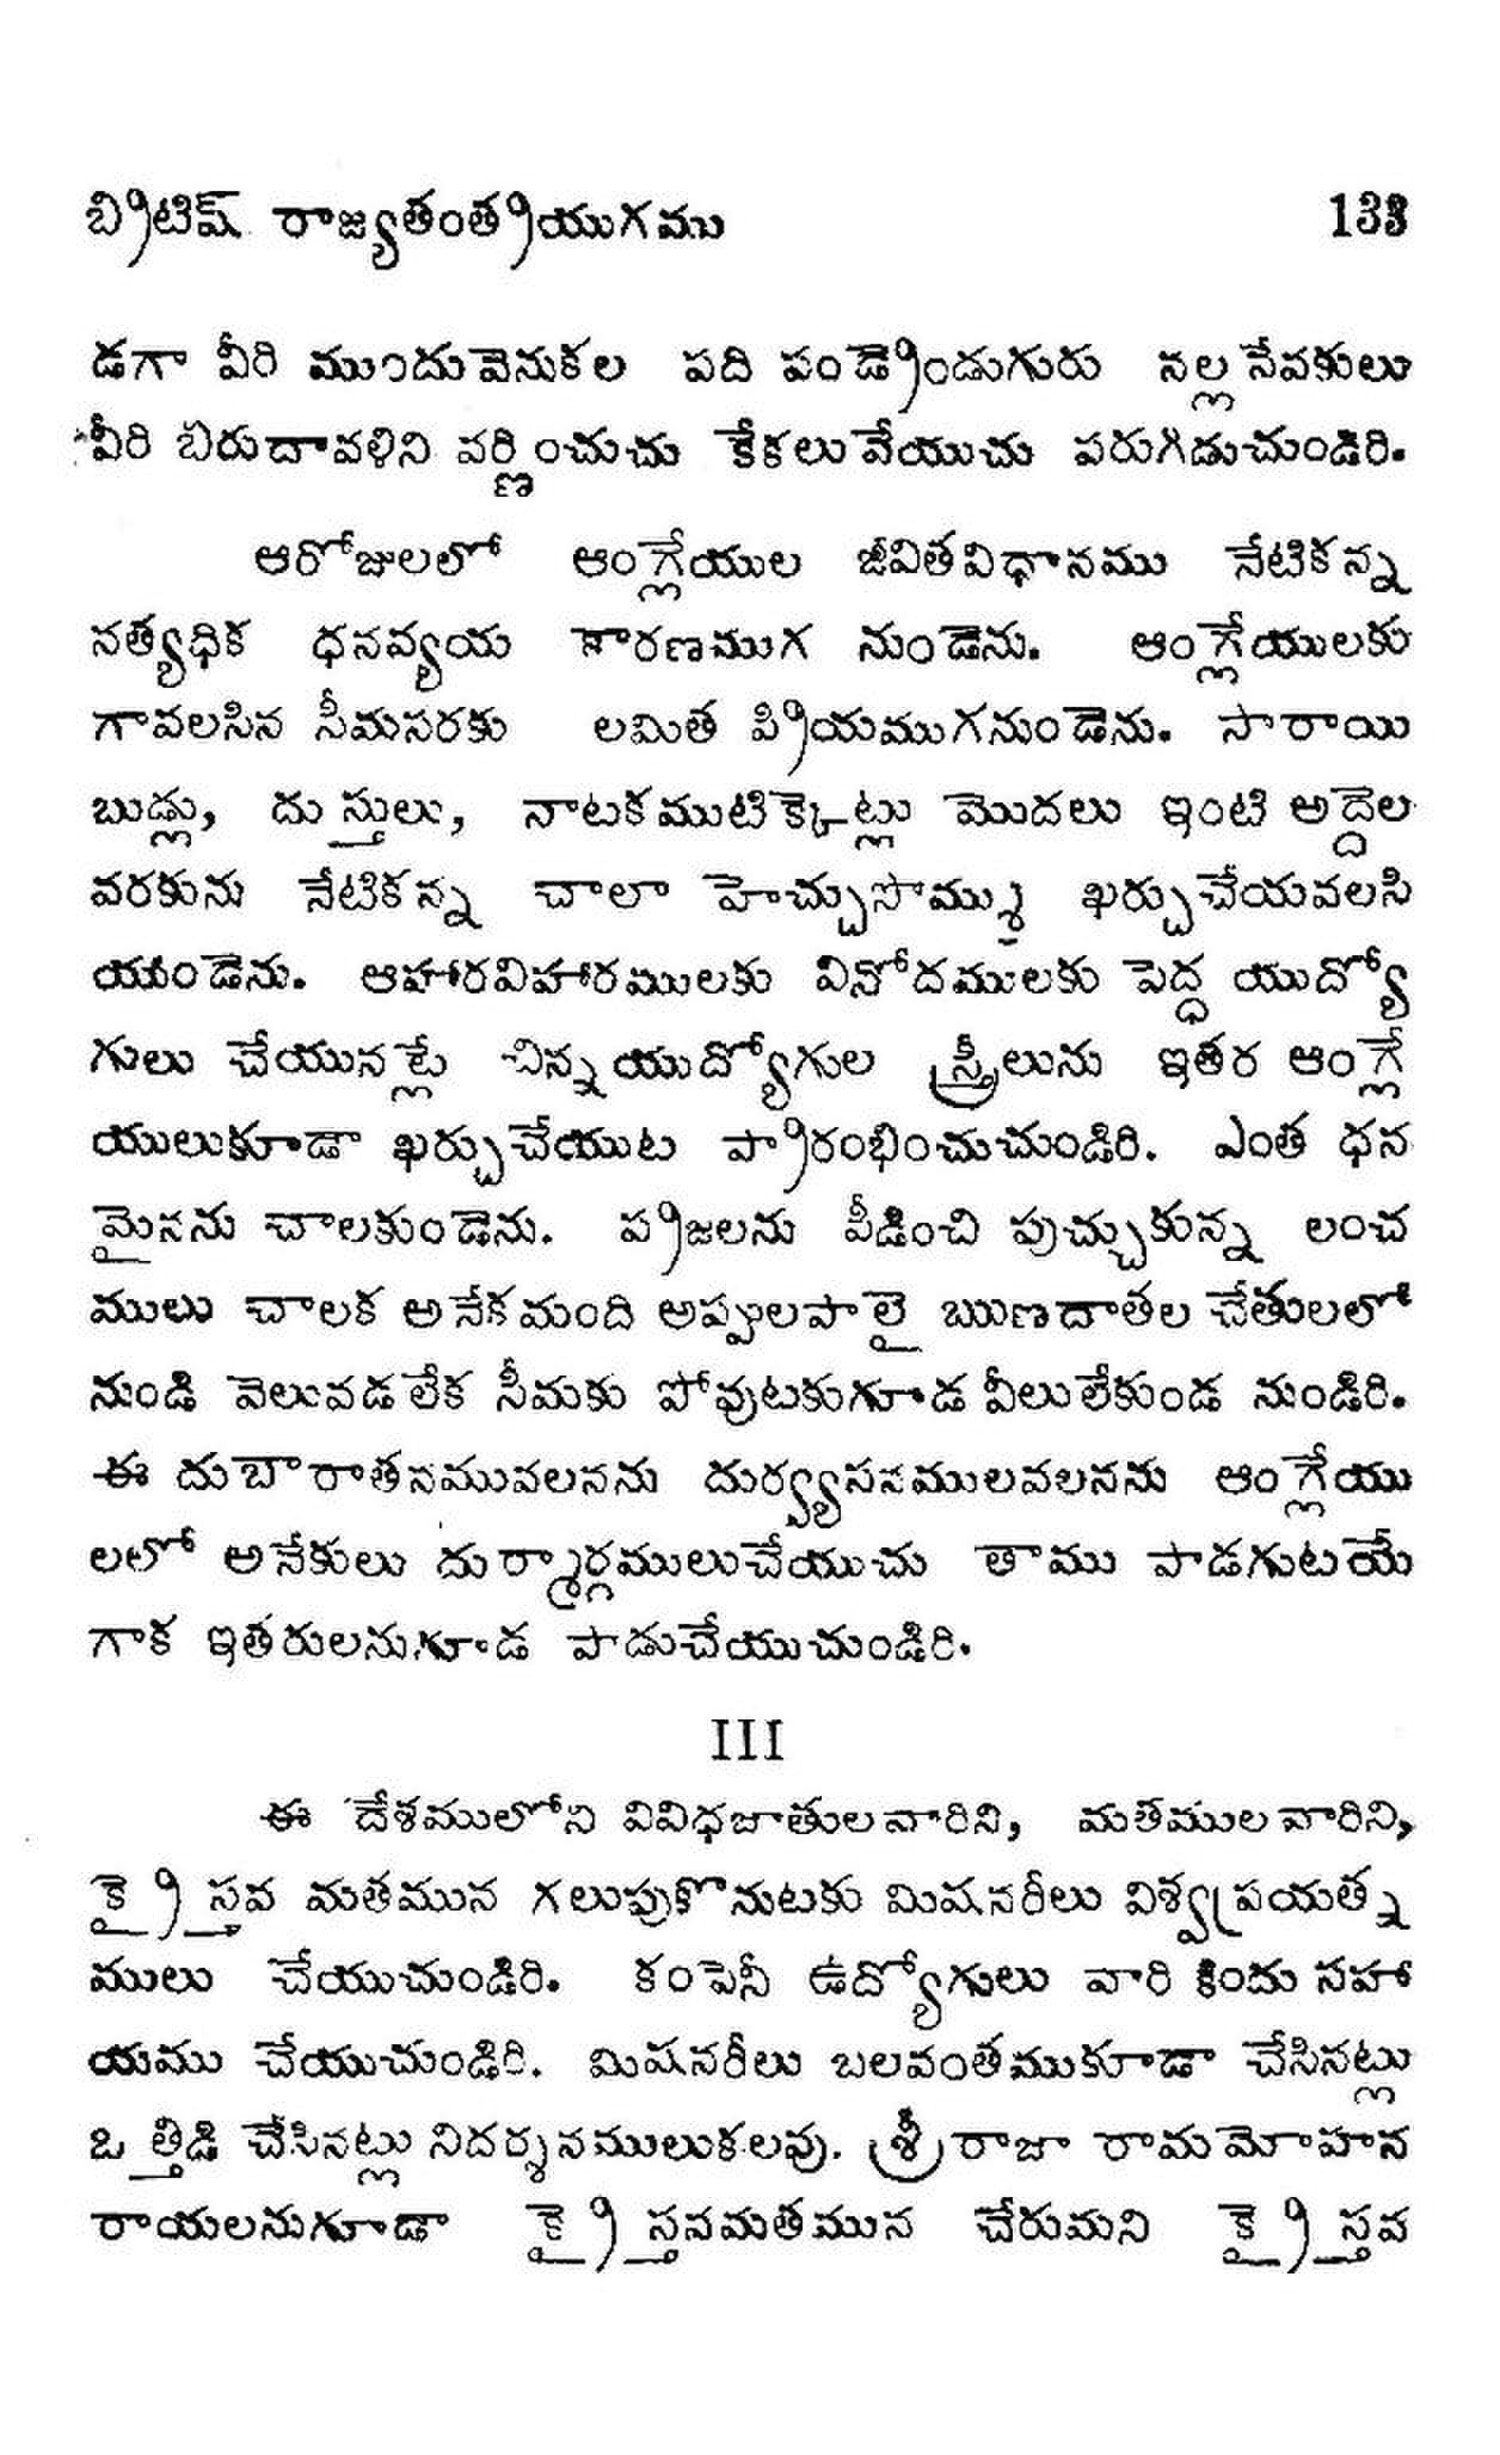డగా వీరి ముందువెనుకల పది పండ్రెండుగురు నల్ల సేవకులు వీరి బిరుదావళిని వర్ణించుచు కేకలువేయుచు పరుగిడుచుండిరి.

ఆరోజులలో ఆంగ్లేయుల జీవితవిధానము నేటికన్న నత్యధిక ధనవ్యయ కారణముగ నుండెను. ఆంగ్లేయులకు గావలసిన సీమసరకు లమిత ప్రియముగనుండెను. సారాయి బుడ్లు, దుస్తులు, నాటకముటిక్కెట్లు మొదలు ఇంటి అద్దెల వరకును నేటికన్న చాలా హెచ్చుసొమ్ము ఖర్చు చేయవలసి యండెను. ఆహారవిహారములకు వినోదములకు పెద్ద యుద్యోగులు చేయునట్లే చిన్న యుద్యోగుల స్త్రీలును ఇతర ఆంగ్లేయులుకూడా ఖర్చుచేయుట ప్రారంభించుచుండిరి. ఎంత ధనమైనను చాలకుండెను. ప్రజలను పీడించి పుచ్చుకున్న లంచములు చాలక అనేకమంది అప్పులపాలై ఋణదాతల చేతులలో నుండి వెలువడ లేక సీమకు పోవుటకుగూడ వీలులేకుండ నుండిరి. ఈ దుబారాతనమువలనను. దుర్వ్యసనములవలనను ఆంగ్లేయులలో అనేకులు దుర్మార్గములుచేయుచు తాము పాడగుటయే గాక ఇతరులనుగూడ పాడుచేయుచుండిరి.

III 

ఈ దేశములోని వివిధజాతులవారిని, మతములవారిని, క్రైస్తవ మతమున గలుపుకొనుటకు మిషనరీలు విశ్వప్రయత్నములు చేయుచుండిరి. కంపెనీ ఉద్యోగులు వారి కిందు సహాయము చేయుచుండిరి. మిషనరీలు బలవంతముకూడా చేసినట్లు ఒత్తిడి చేసినట్లు నిదర్శనములుకలవు. శ్రీరాజా రామమోహనరాయలనుగూడా క్రైస్తవమతమున చేరుమని క్రైస్తవ